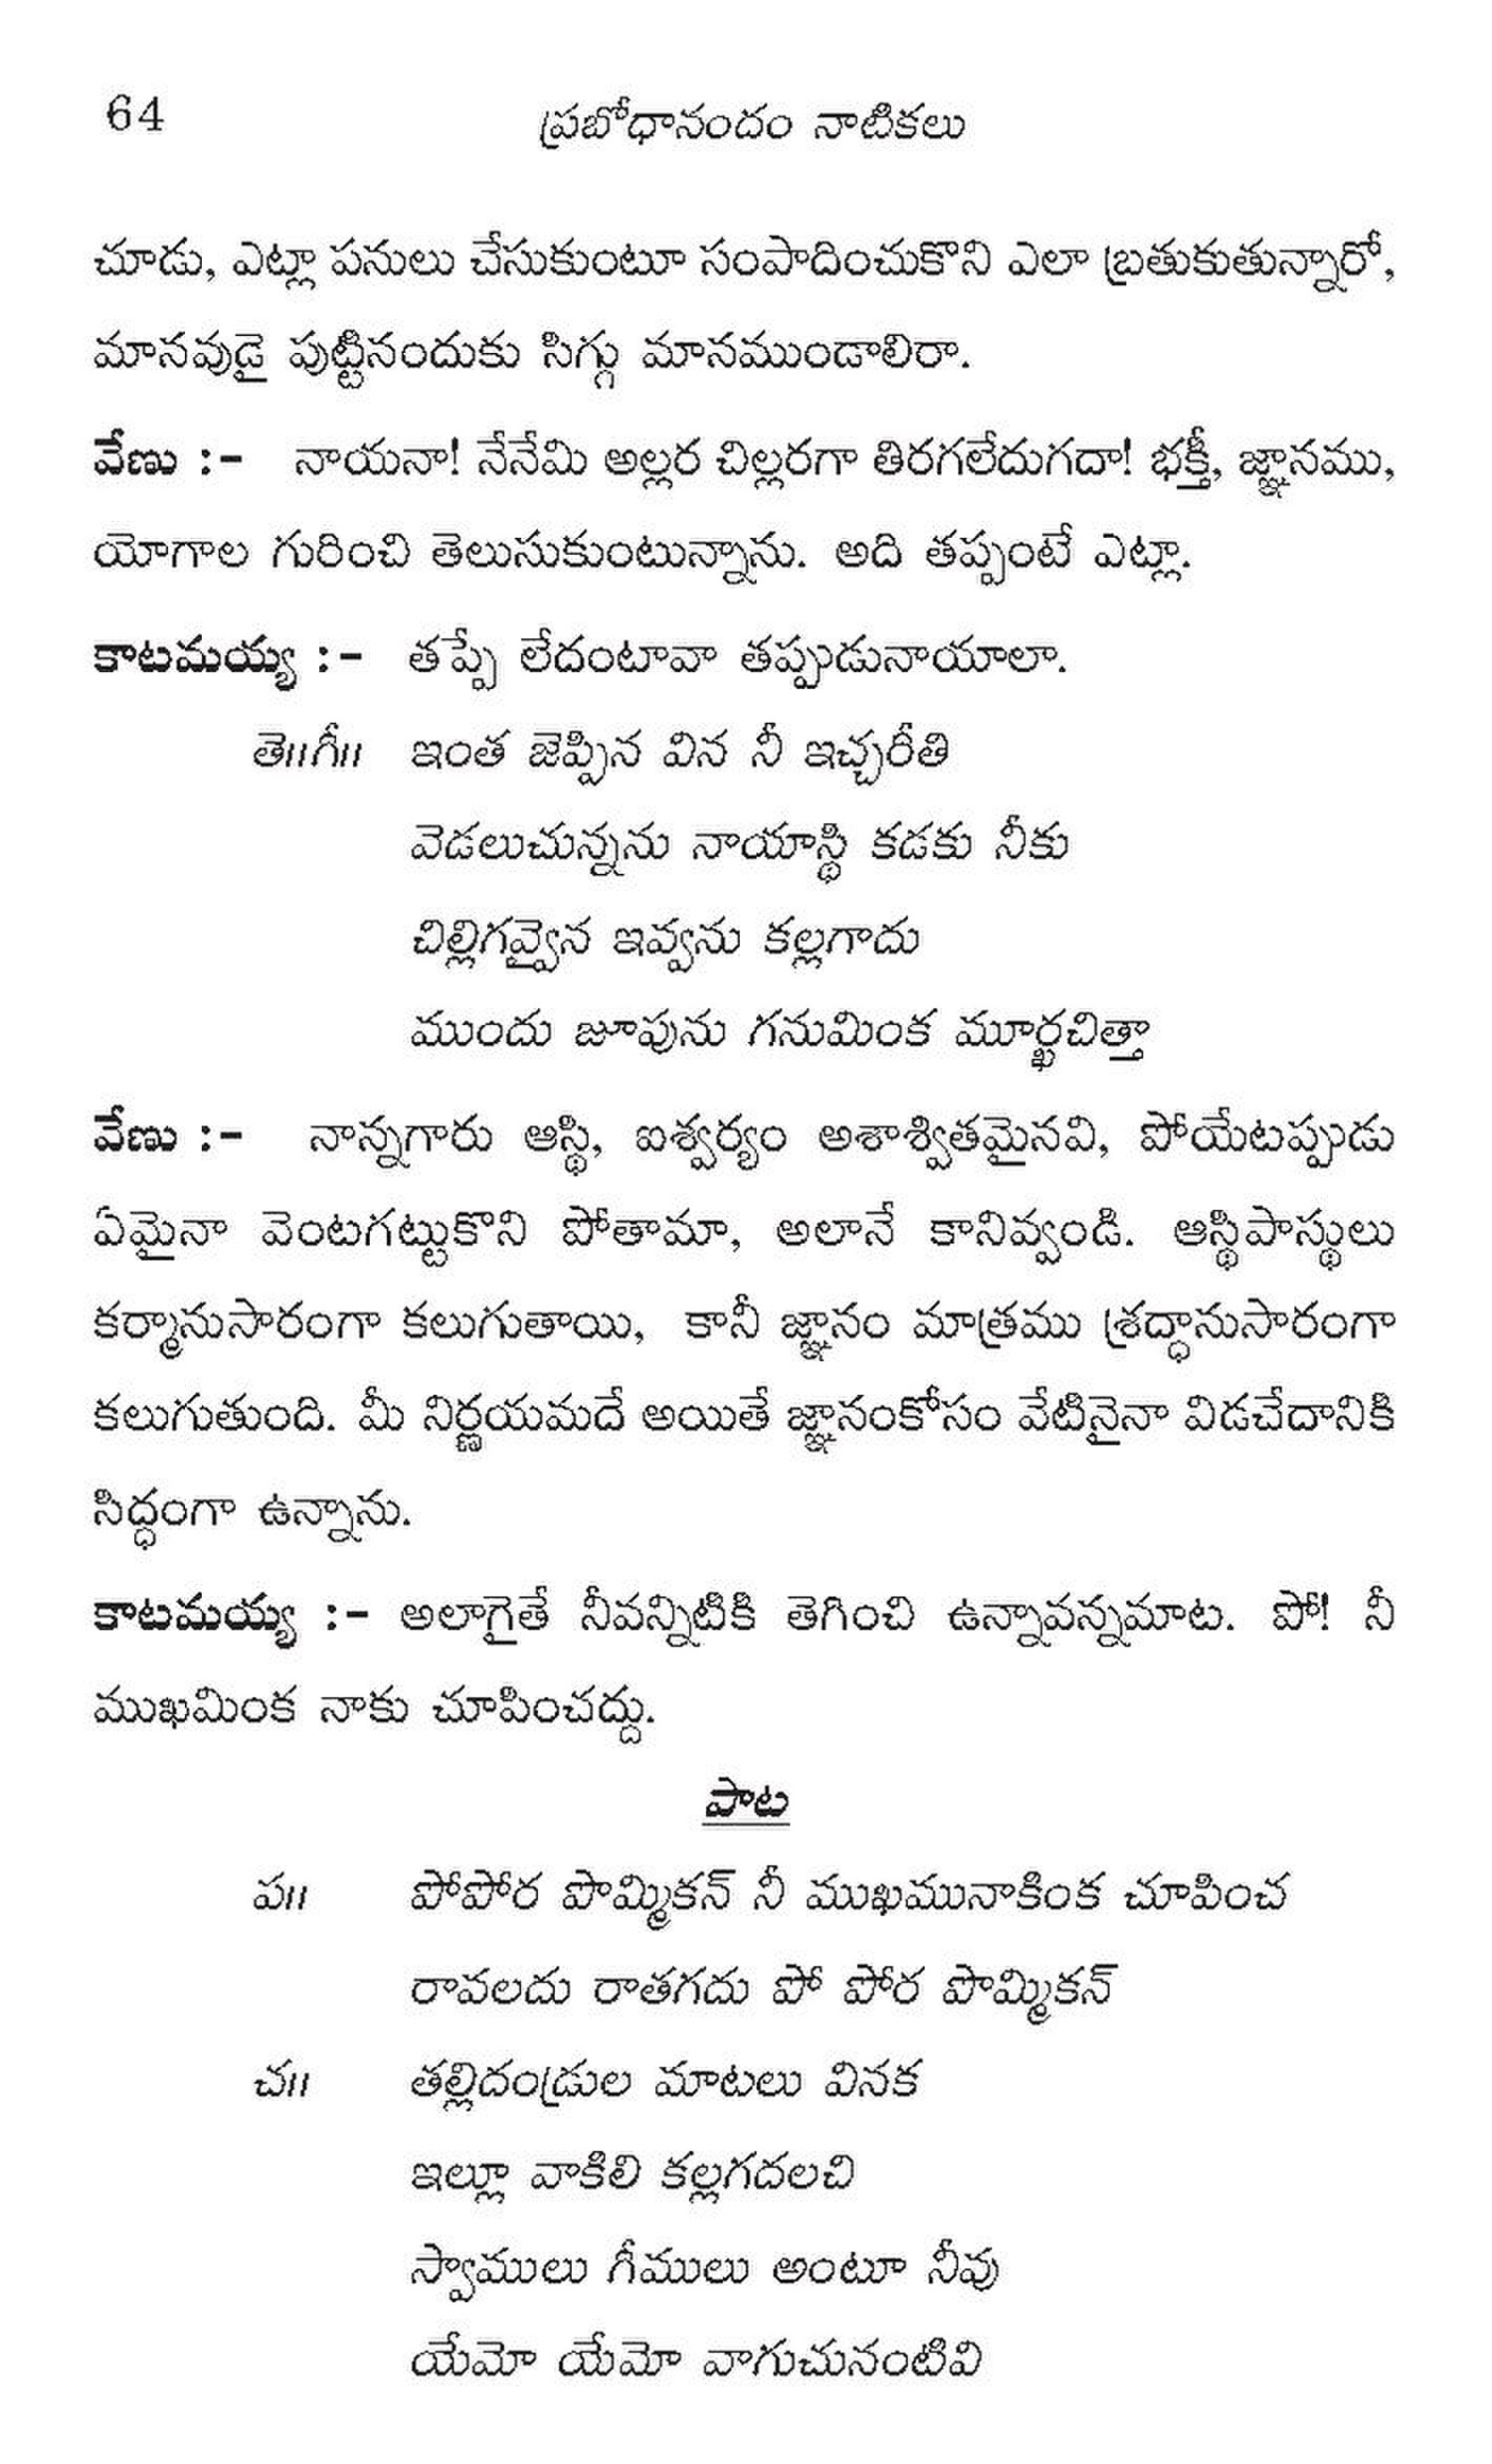చూడు, ఎట్లా పనులు చేసుకుంటూ సంపాదించుకొని ఎలా బ్రతుకుతున్నారో, మానవుడై పుట్టినందుకు సిగ్గు మానముండాలిరా.

వేణు :- నాయనా! నేనేమి అల్లర చిల్లరగా తిరగలేదుగదా! భక్తీ, జ్ఞానము, యోగాల గురించి తెలుసుకుంటున్నాను. అది తప్పంటే ఎట్లా.

కాటమయ్య :- 	తప్పే లేదంటావా తప్పుడునాయాలా.

వేణు :- నాన్నగారు ఆస్థి, ఐశ్వర్యం అశాశ్వితమైనవి, పోయేటప్పుడు ఏమైనా వెంటగట్టుకొని పోతామా, అలానే కానివ్వండి. ఆస్థిపాస్థులు కర్మానుసారంగా కలుగుతాయి, కానీ జ్ఞానం మాత్రము శ్రద్ధానుసారంగా కలుగుతుంది. మీ నిర్ణయమదే అయితే జ్ఞానంకోసం వేటినైనా విడచేదానికి సిద్ధంగా ఉన్నాను.

కాటమయ్య :- అలాగైతే నీవన్నిటికి తెగించి ఉన్నావన్నమాట. పో! నీ ముఖమింక నాకు చూపించద్దు.

--పాట--